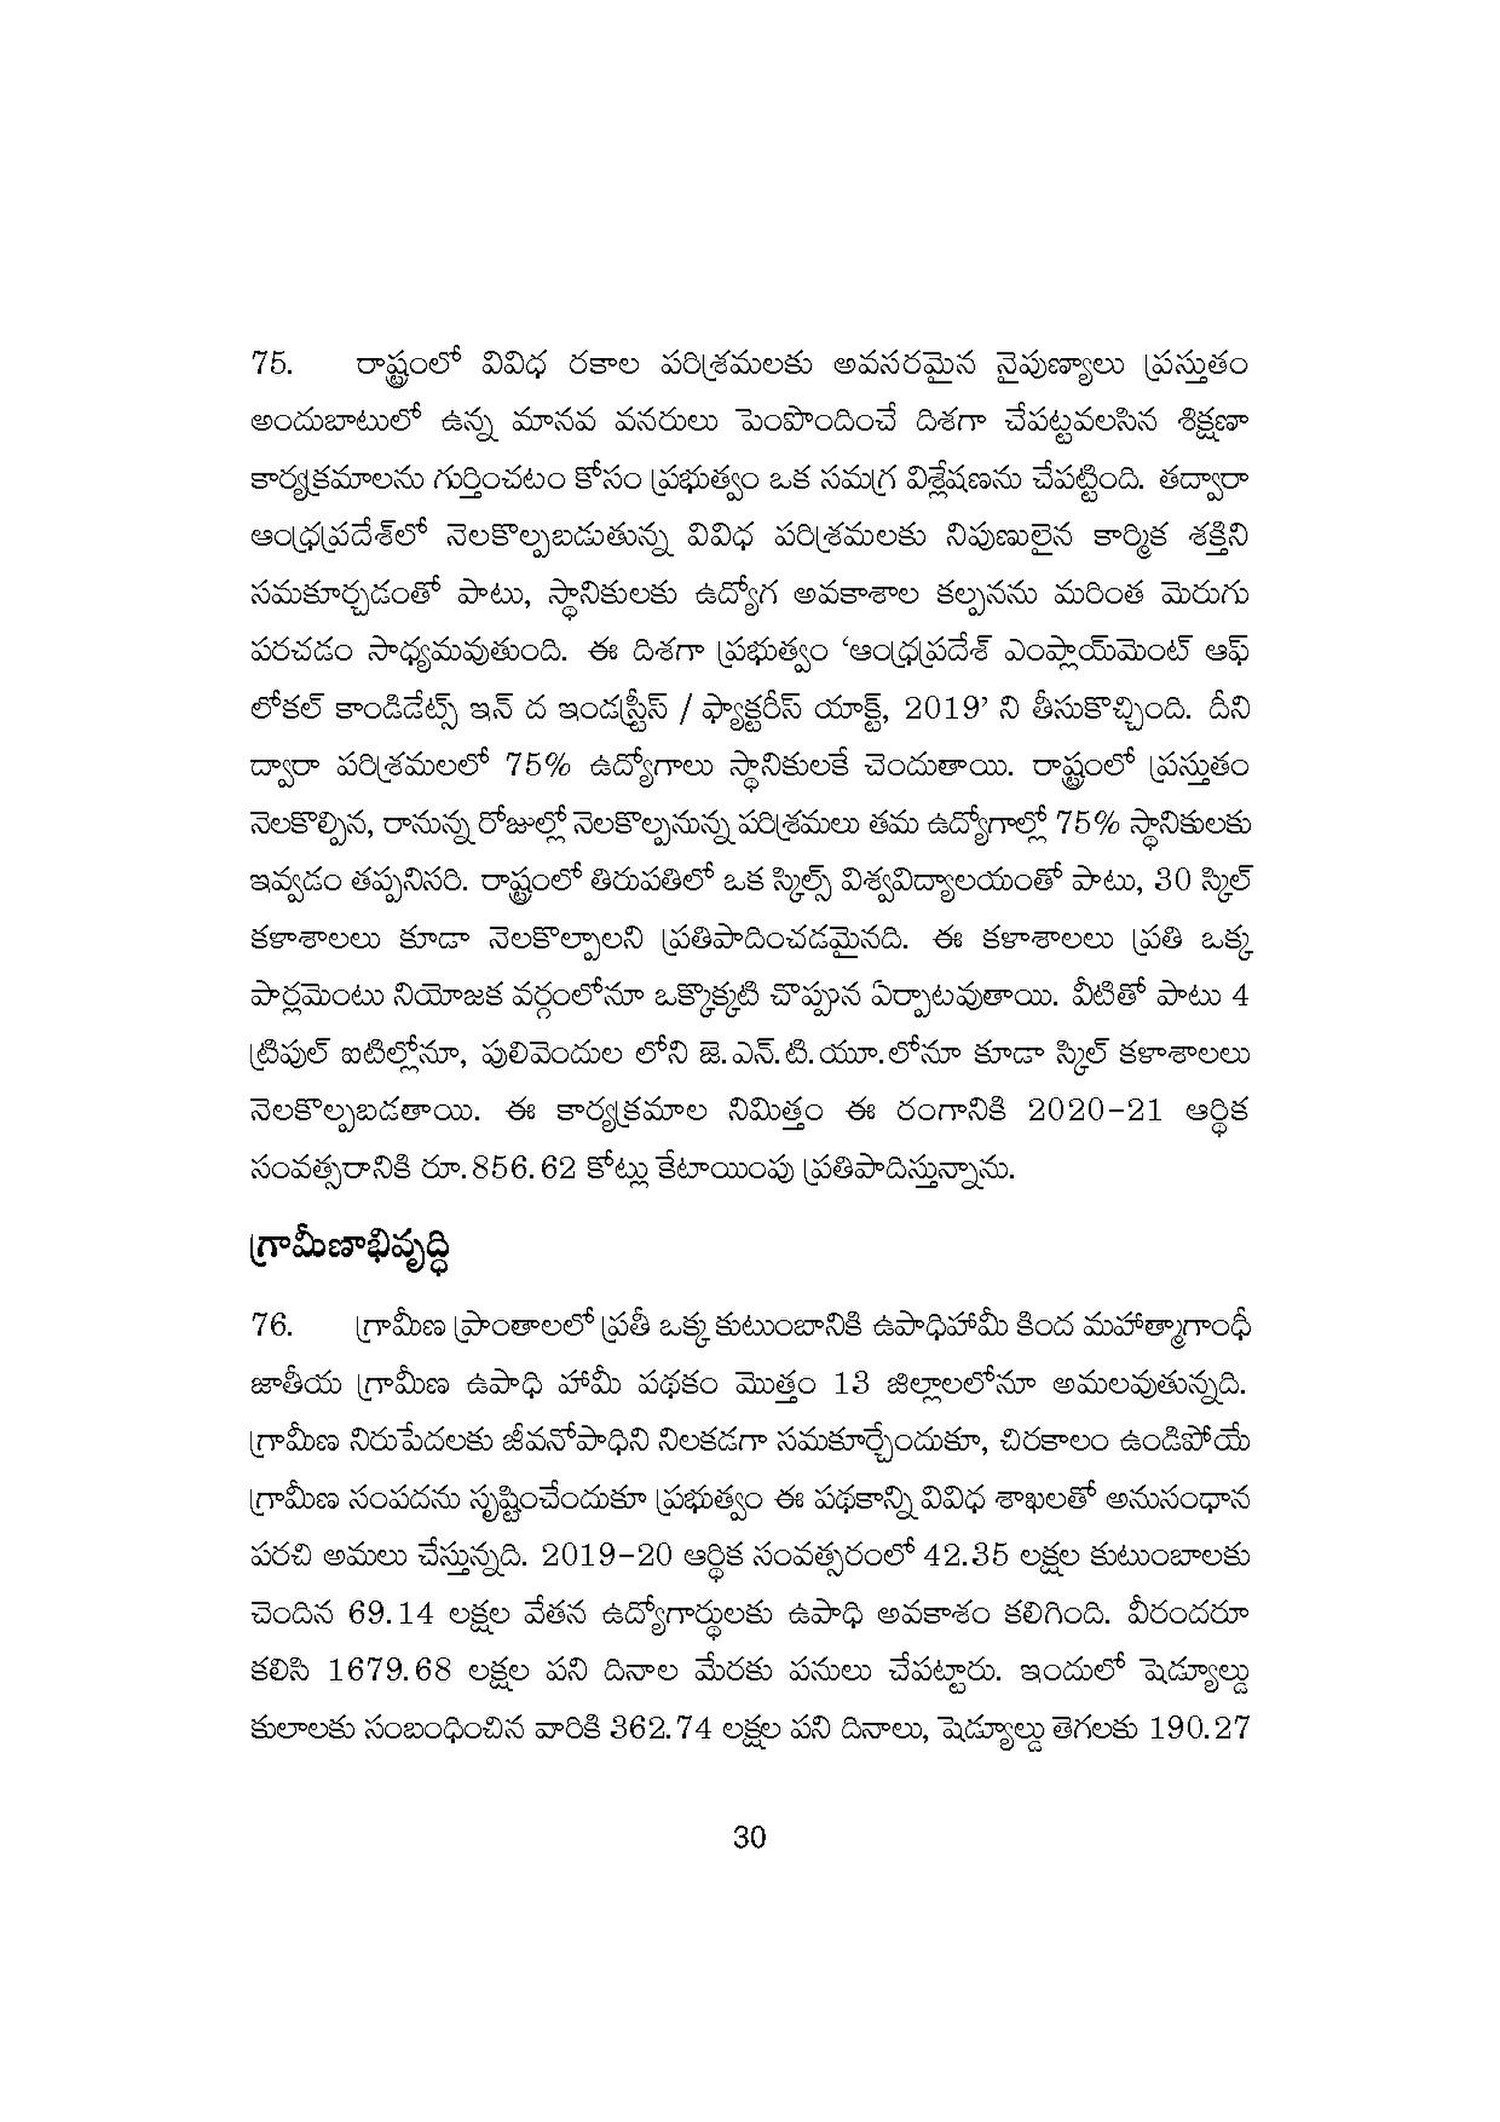75. రాష్ట్రంలో వివిధ రకాల పరిశ్రమలకు అవసరమైన నైపుణ్యాలు ప్రస్తుతం అందుబాటులో ఉన్న మానవ వనరులు పెంపొందించే దిశగా చేపట్టవలసిన శిక్షణా కార్యక్రమాలను గుర్తించటం కోసం ప్రభుత్వం ఒక సమగ్ర విశ్లేషణను చేపట్టింది. తద్వారా ఆంధ్రప్రదేశ్ లో నెలకొల్పబడుతున్న వివిధ పరిశ్రమలకు నిపుణులైన కార్మిక శక్తిని సమకూర్చడంతో పాటు, స్థానికులకు ఉద్యోగ అవకాశాల కల్పనను మరింత మెరుగు పరచడం సాధ్యమవుతుంది. ఈ దిశగా ప్రభుత్వం 'ఆంధ్రప్రదేశ్ ఎంప్లాయ్ మెంట్ ఆఫ్ లోకల్ కాండిడేట్స్ ఇన్ ద ఇండస్ట్రీస్ / ఫ్యాక్టరీస్ యాక్ట్, 2019' ని తీసుకొచ్చింది. దీని ద్వారా పరిశ్రమలలో 75% ఉద్యోగాలు స్థానికులకే చెందుతాయి. రాష్ట్రంలో ప్రస్తుతం నెలకొల్పిన, రానున్న రోజుల్లో నెలకొల్పనున్న పరిశ్రమలు తమ ఉద్యోగాల్లో 75% స్థానికులకు ఇవ్వడం తప్పనిసరి. రాష్ట్రంలో తిరుపతిలో ఒక స్కిల్స్ విశ్వవిద్యాలయంతో పాటు, 30 స్కిల్ కళాశాలలు కూడా నెలకొల్పాలని ప్రతిపాదించడమైనది. ఈ కళాశాలలు ప్రతి ఒక్క పార్లమెంటు నియోజక వర్గంలోనూ ఒక్కొక్కటి చొప్పున ఏర్పాటవుతాయి. వీటితో పాటు 4 ట్రిపుల్ ఐటిల్లోనూ, పులివెందుల లోని జె.ఎన్.టి.యూ.లోనూ కూడా స్కిల్ కళాశాలలు నెలకొల్పబడతాయి. ఈ కార్యక్రమాల నిమిత్తం ఈ రంగానికి 2020-21 ఆర్థిక సంవత్సరానికి రూ.856.62 కోట్లు కేటాయింపు ప్రతిపాదిస్తున్నాను.

గ్రామీణాభివృద్ధి 

76. గ్రామీణ ప్రాంతాలలో ప్రతీ ఒక్క కుటుంబానికి ఉపాధిహామీ కింద మహాత్మాగాంధీ జాతీయ గ్రామీణ ఉపాధి హామీ పథకం మొత్తం 13 జిల్లాలలోనూ అమలవుతున్నది. గ్రామీణ నిరుపేదలకు జీవనోపాధిని నిలకడగా సమకూర్చేందుకూ, చిరకాలం ఉండిపోయే గ్రామీణ సంపదను సృష్టించేందుకూ ప్రభుత్వం ఈ పథకాన్ని వివిధ శాఖలతో అనుసంధాన పరచి అమలు చేస్తున్నది. 2019-20 ఆర్థిక సంవత్సరంలో 42.35 లక్షల కుటుంబాలకు చెందిన 69.14 లక్షల వేతన ఉద్యోగార్థులకు ఉపాధి అవకాశం కలిగింది. వీరందరూ కలిసి 1679.68 లక్షల పని దినాల మేరకు పనులు చేపట్టారు. ఇందులో షెడ్యూల్డు కులాలకు సంబంధించిన వారికి 362.74 లక్షల పని దినాలు, షెడ్యూల్డు తెగలకు 190.27